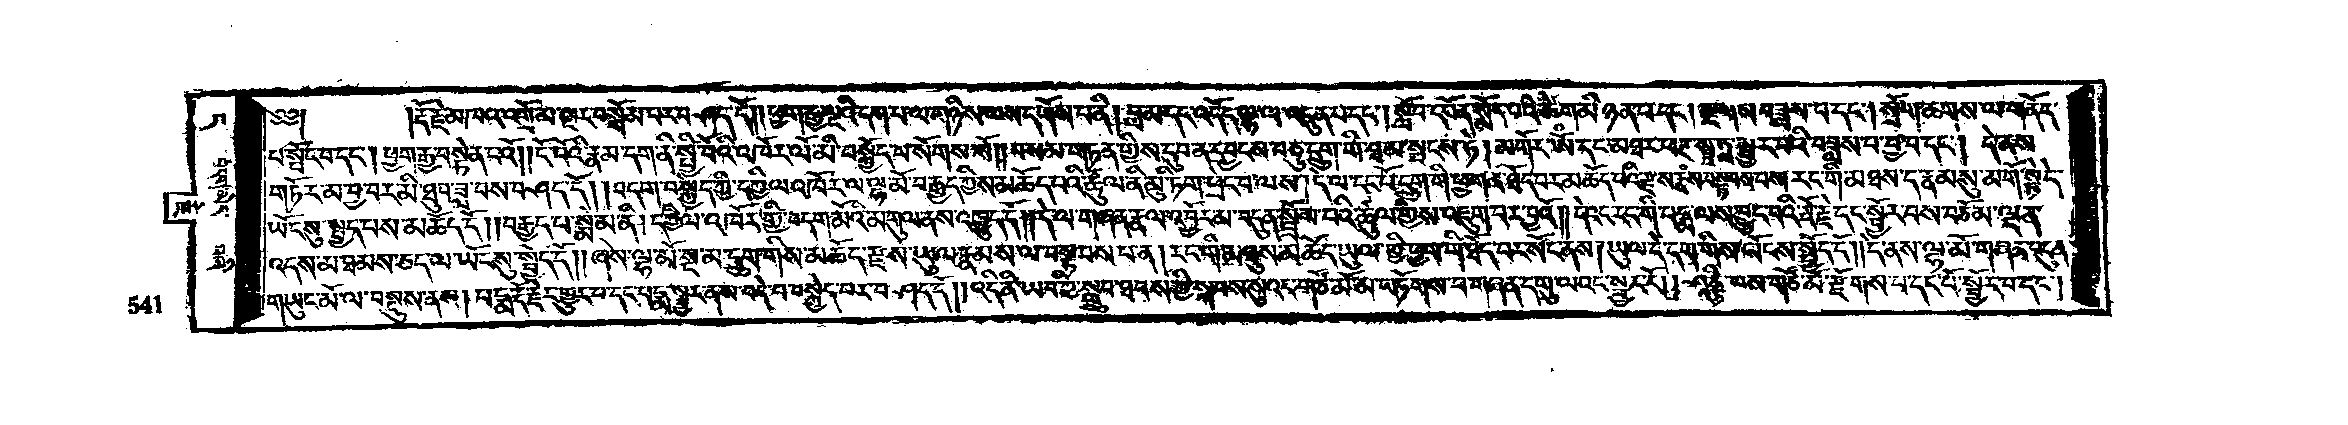༄༅། །རྡོ་རྗེ་མཁའ་འགྲོ་མ་ལྔར་བསྒོམ་པར་བཤད་དོ། །ཕྱག་རྒྱ་ལྔའི་དག་པ་ལ་གཉིས་ལས་དགོས་པ་ནི། བླ་མ་དང་འདོད་ལྷ་ལ་འདུན་པ་དང་། སློབ་དཔོན་སྨོད་པའི་ཚིག་མི་ཉན་པ་དང་། སྔགས་བཟླས་པ་དང་། སྲོག་ཆགས་ལ་གནོད་
པ་སྤོང་བ་དང་། ཕྱག་རྒྱ་བསྟེན་པའོ། །ངོ་བོའི་རྣམ་དག་ནི་སྤྱི་བོའི་འཁོར་ལོ་མི་བསྐྱོད་པ་སོགས་སོ། །བསམ་གཏན་གྱིས་དུ་བ་ན་དབྱངས་བཅུ་དྲུག་གི་ཐ་མ་སྤངས་ཏེ། མགོར་ཨོཾ་དང་མཐར་ཕཊ་སྭཱ་ཧཱ་སྦྱར་བའི་བཟླས་པ་བྱ་བ་དང་། དེ་ནས་
གཏོར་མ་བྱ་བར་མི་ཐུབ་ཟླ་བས་བཤད་དོ། །བདག་བསྐྱེད་ཀྱི་དཀྱིལ་འཁོར་ལ་ལྷ་མོ་བརྒྱད་ཀྱིས་མཆོད་པའི་ཚུལ་ནི་མུ་ཏིག་ཕྲེང་བ་ལས། དེ་ལ་དང་པོ་དྲུག་གི་ཕྱག་ན་ཐོད་པར་མཆོད་པའི་རྫས་རྣམས་བསྟབས་པས། རང་གི་མཐས་ད་རྣམས་སུ་མགོ་སྟེ་དེ་
ཡོངས་སུ་སྤྱད་པས་མཆོད་དོ། །བརྒྱད་པ་སྨེ་མ་ནི། དཀྱིལ་འཁོར་གྱི་བདག་མོའི་མགུལ་ནས་འཁྱུད་དོ། །དེ་ལ་གཞན་རྣལ་འབྱོར་མ་བདུན་སྤྲོས་པའི་ཚུལ་གྱིས་འཇུག་པར་བྱའོ། །དེའང་རང་གི་པདམ་ལས་བྱུང་བའི་རྡོ་རྗེ་དང་སྦྱོར་བས་བཅོམ་ལྡན་
འདས་མ་ཐམས་ཅད་ལ་ཡོངས་སུ་སྤྱོད་དོ། །ཞེས་ལྷ་མོ་སྔ་མ་དྲུག་གིས་མཆོད་རྫས་ཡུལ་རྣམས་ལ་བསྟབས་པ་ན། རང་གི་མཐུས་མཆོད་ཡུལ་གྱི་ཕྱག་གི་ཐོད་པར་སོང་ནས། ཡུལ་དེ་དག་གིས་ལོངས་སྤྱོད་དོ། །དེ་ནས་ལྷ་མོ་གཞན་བདུན་
གཡུང་མོ་ལ་བསྡུས་ནས། པདམ་རྡོ་རྗེར་གྱུར་པ་དང་པདམ་སྦྱར་ནས་བདེ་བ་བསྐྱེད་པར་བཤད་དོ། །འདི་ནི་ཡབ་ཀྱི་སྒྲུབ་ཐབས་ཀྱི་སྐབས་སུའང་གཙོ་མོ་མ་གཏོགས་པ་གཞན་དགུ་ལའང་སྦྱར་རོ། །ཤཱནྟི་པས་གཙོ་མོ་རྫོགས་པ་དང་པོ་སྦྱོར་བ་དང་།